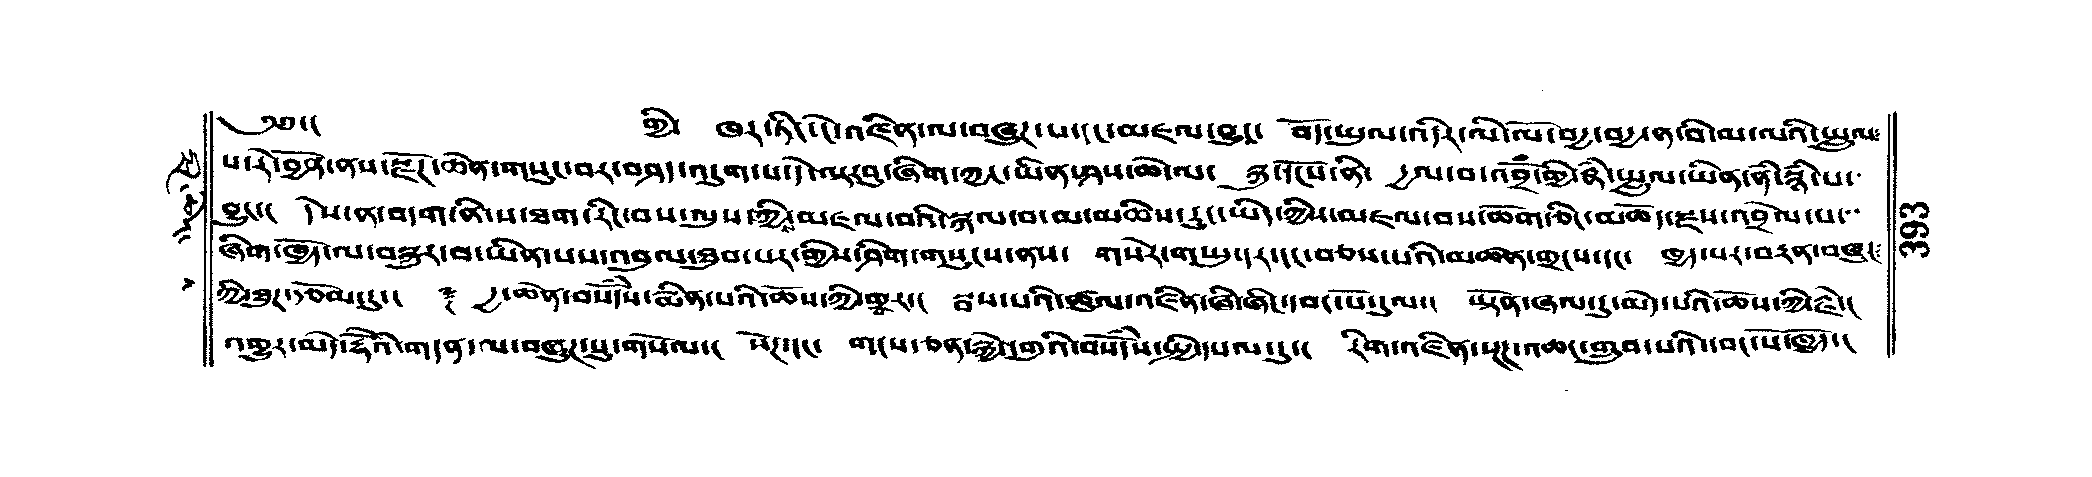གྱི་ཁར་ཏིང་ངེ་འཛིན་ལ་བཞུགས་པ་དང་མཇལ་བྱུང་། བོད་ཡུལ་འདིར་མི་ལོ་བརྒྱ་བརྒྱ་ན་བི་མ་ལའི་སྤྲུལ་
པ་རེ་བྱོན་ནས་རྫོགས་ཆེན་གསུང་བར་བཤད་འདུག་པ་དེ་ལྟ་བུ་ཞིག་ཀྱང་ཡིན་ཤས་ཆེ་ལ། སྐུ་དངོས་ནི། རྒྱལ་བ་འབྲོམ་གྱི་རྣམ་སྤྲུལ་ཡིན་ནམ་སྙམ་པ་
བྱུང་། དེས་ན་བདག་ནི་ས་ཐག་རིང་བས་ལུས་ཀྱིས་མཇལ་བའི་སྐལ་བ་མ་མཆིས་རུང་ཡིད་ཀྱིས་མཇལ་བས་ཆོག་ཅིང་མཆོད་རྫས་འབྲེལ་པ་
ཞིག་ཁྱོད་ལ་བསྐུར་བ་ཡིན་པས་འབུལ་ཐུབ་པར་གྱིས་ཤིག་གསུངས་ནས། གསེར་གཡུ་དར་དང་བཅས་པའི་མཚན་གྲངས་དང་། ཁྱད་པར་བརྟན་བཞུགས་
ཀྱི་ཐུགས་རྩོམ་དུ། ༈ རྒྱ་ཆེན་བསོད་ནམས་སྨིན་པའི་ཆོས་ཀྱི་གྲྭར། །སྦས་པའི་ཚུལ་འཛིན་ཞི་ཞིང་དབང་པོ་དུལ། །ཡོན་ཏན་གཞལ་དུ་མེད་པའི་ཆོས་ཀྱི་རྗེ། །
འགྱུར་མེད་རྡོ་རྗེའི་གདན་ལ་བཞུགས་སུ་གསོལ། སོགས་དང་། གངས་ཅན་སྐྱེ་དགུའི་བསོད་ནམས་སྤྱི་དཔལ་དུ། །རིག་འཛིན་སྔགས་འཆང་གྲུབ་པའི་དབང་པོ་ཁྱོད།